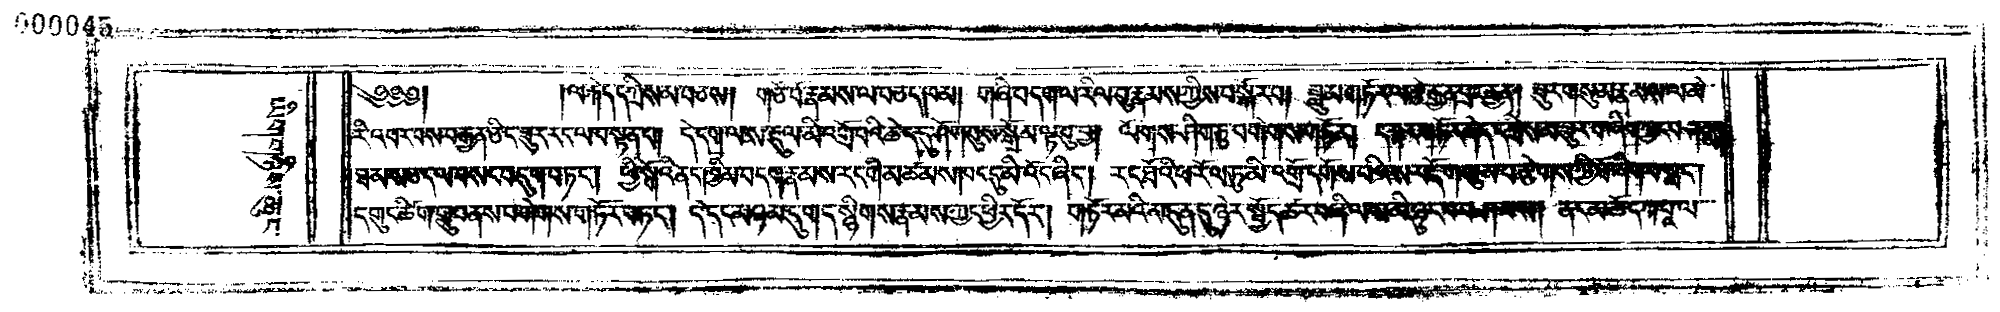༄༅༅། །ལ་རྐེད་དཀྲིས་མ་བཅས། གཙོ་བོ་རྣམས་ལ་བཅད་ཁམ། གཞི་བདག་ལ་རིལ་བུ་རྣམས་ཀྱིས་བསྐོར་བ། ཟླུམ་གཏོར་ལ་རྩེ་རྒྱན་བྲང་རྒྱན། ཟུར་གསུམ་རྣམས་ལ་མེ་
རི་འབར་བས་བརྒྱན་ཅིང་ཟུར་རང་ལ་བསྟན་པ། དེ་དག་ལས་རྡུལ་མི་འགྲོ་བའི་ཆེད་དུ་ཤོག་བུས་སྒྲོམ་ལྟ་བུ་བྱ། ལོགས་ཤིག་ཏུ་བགེགས་གཏོར། དཀར་གཏོར་རྐེད་དཀྲིས་མ་ཟུར་བ་ཞིག་ཀྱང་བཤམས།
ཐམས་ཅད་ལ་བསང་བདུག་བཏང་། ཕྱི་སྒོའི་ནང་ཁྱིམ་བདག་རྣམས་རང་གི་མཚམས་ཁང་དུ་མི་འོང་ཞིང་། རང་ཐོའི་ཕ་རོལ་ཏུ་མི་འགྲོ་དགོས་པའི་སར་རྡོ་གསུམ་བརྩེགས་ཀྱི་ཐོ་ཞིག་བསླང་།
དགུང་ཚིག་གྲུབ་ནས་བགེགས་གཏོར་བཏང་། དེ་དང་མཉམ་དུ་གད་སྙིགས་རྣམས་ཀྱང་ཕྱིར་དོར། གཏོར་མའི་མདུན་དུ་ཉེར་སྤྱོད་ཚར་བཞི་ལས་མི་ཉུང་བ་བཤམས། ནང་མཆོད་ཀ་པཱ་ལ་